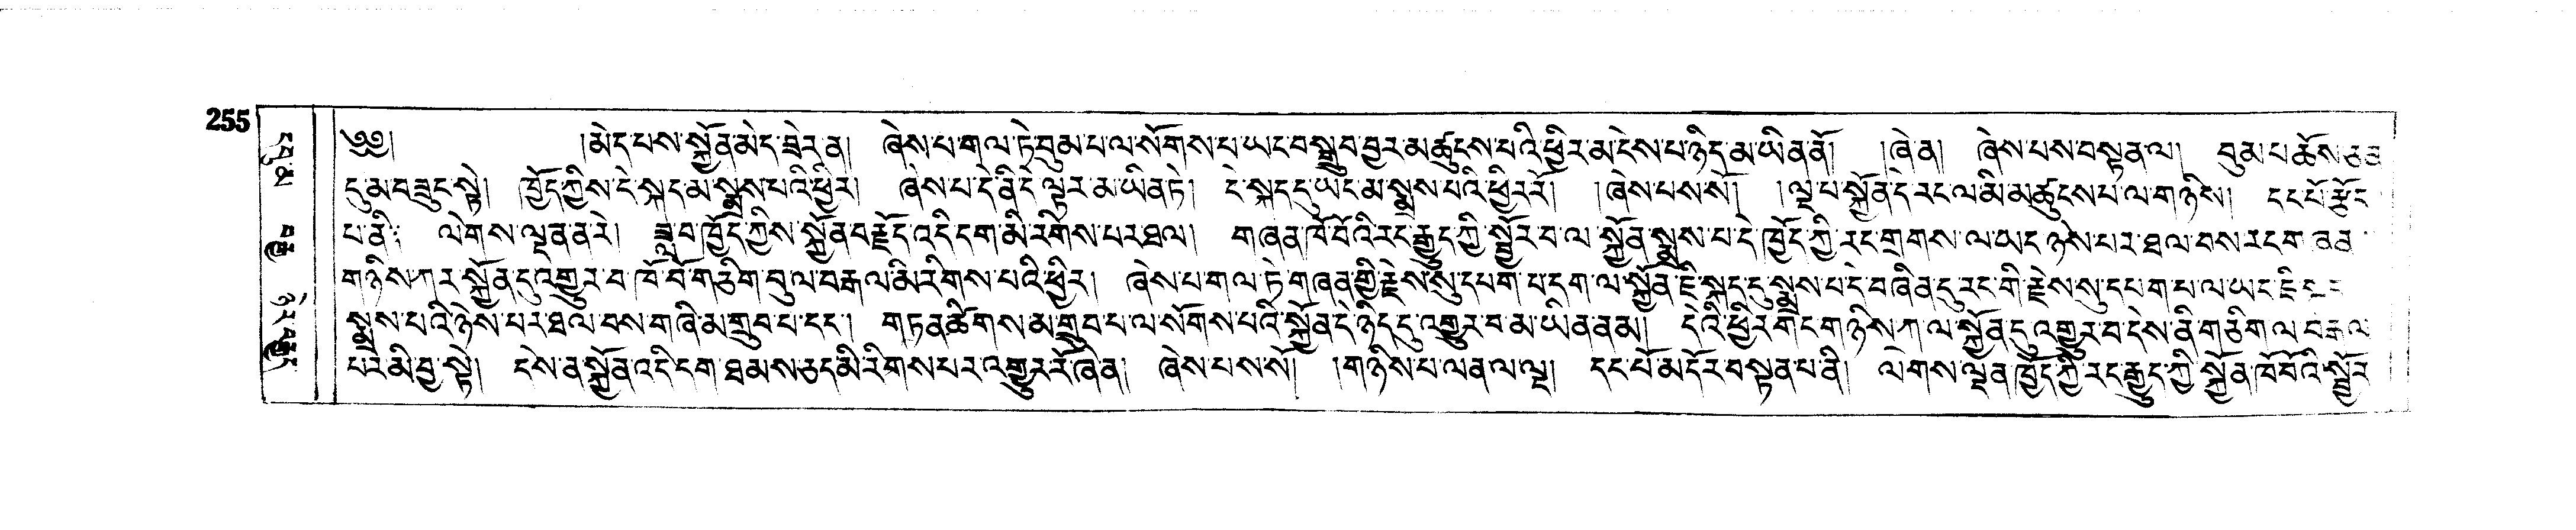༄༅། །མེད་པས་སྐྱོན་མེད་ཟེར་ན། ཞེས་པ་གལ་ཏེ་བུམ་པ་ལ་སོགས་པ་ཡང་བསྒྲུབ་བྱར་མཚུངས་པའི་ཕྱིར་མ་ངེས་པ་ཉིད་མ་ཡིན་ནོ། །ཞེ་ན། ཞེས་པས་བསྟན་ལ། བུམ་པ་ཆོས་ཅན་
དུ་མ་བཟུང་སྟེ། ཁྱོད་ཀྱིས་དེ་སྐད་མ་སྨྲས་པའི་ཕྱིར། ཞེས་པ་དེ་ནི་དེ་ལྟར་མ་ཡིན་ཏེ། དེ་སྐད་དུ་ཡང་མ་སྨྲས་པའི་ཕྱིར་རོ། །ཞེས་པས་སོ། །ལྔ་པ་སྐྱོན་དེ་རང་ལ་མི་མཚུངས་པ་ལ་གཉིས། དང་པོ་རྩོད་
པ་ནི། ལེགས་ལྡན་ན་རེ། ཟླ་བ་ཁྱོད་ཀྱིས་སྐྱོན་བརྗོད་འདི་དག་མི་རིགས་པར་ཐལ། གཞན་ཁོ་བོའི་རང་རྒྱུད་ཀྱི་སྦྱོར་བ་ལ་སྐྱོན་སྨྲས་པ་དེ་ཁྱོད་ཀྱི་རང་གྲགས་ལ་ཡང་ཉེས་པར་ཐལ་བས་རང་གཞན་
གཉིས་ཀར་སྐྱོན་དུ་འགྱུར་བ་ཁོ་བོ་གཅིག་བུ་ལ་བརྒལ་མི་རིགས་པའི་ཕྱིར། ཞེས་པ་གལ་ཏེ་གཞན་གྱི་རྗེས་སུ་དཔག་པ་དག་ལ་སྐྱོན་ཇི་སྐད་དུ་སྨྲས་པ་དེ་བཞིན་དུ་རང་གི་རྗེས་སུ་དཔག་པ་ལ་ཡང་ཇི་སྐད་
སྨྲས་པའི་ཉེས་པར་ཐལ་བས་གཞི་མ་གྲུབ་པ་དང་། གཏན་ཚིགས་མ་གྲུབ་པ་ལ་སོགས་པའི་སྐྱོན་དེ་ཉིད་དུ་འགྱུར་བ་མ་ཡིན་ནམ། དེའི་ཕྱིར་གང་གཉིས་ཀ་ལ་སྐྱོན་དུ་འགྱུར་བ་དེས་ནི་གཅིག་ལ་བརྒལ་
པར་མི་བྱ་སྟེ། དེས་ན་སྐྱོན་འདི་དག་ཐམས་ཅད་མི་རིགས་པར་འགྱུར་རོ་ཞེ་ན། ཞེས་པས་སོ། །གཉིས་པ་ལན་ལ་ལྔ། དང་པོ་མདོར་བསྟན་པ་ནི། ལེགས་ལྡན་ཁྱོད་ཀྱི་རང་རྒྱུད་ཀྱི་སྐྱོན་ཁོ་བོའི་སྦྱོར་